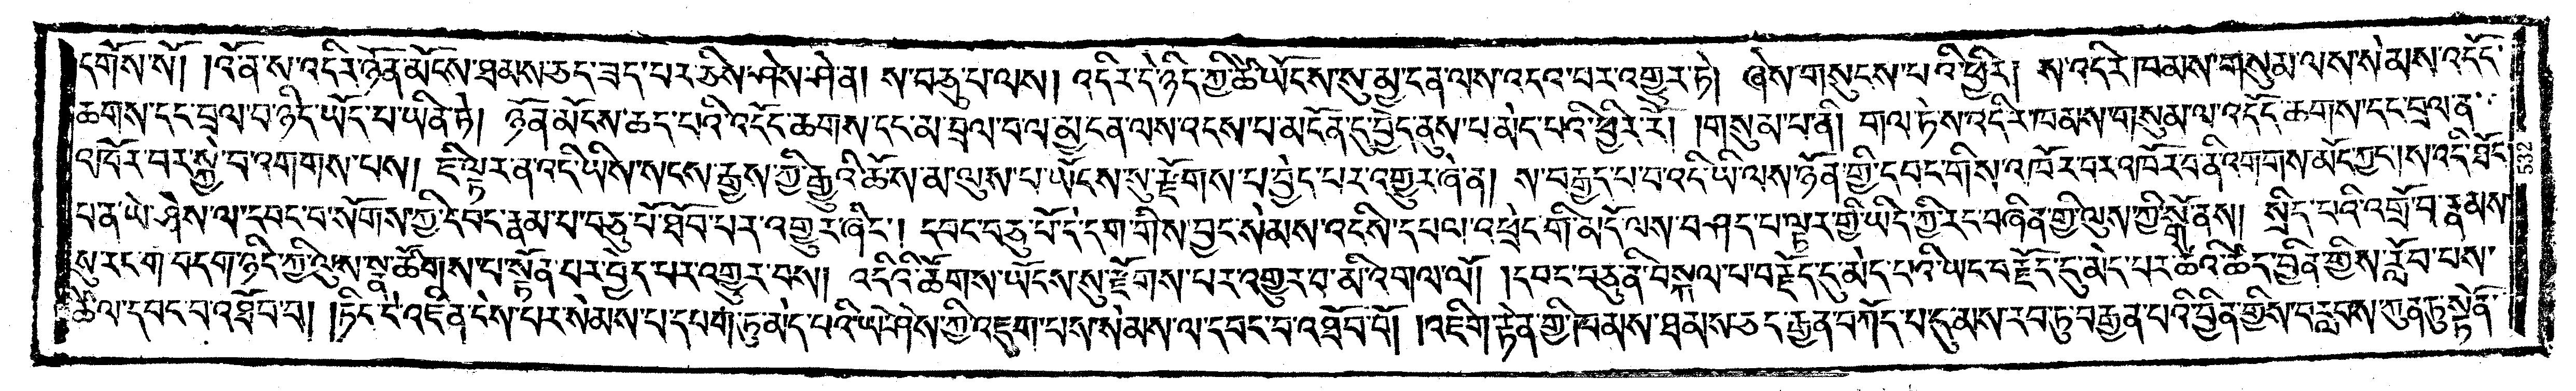དགོས་སོ། །འོ་ན་ས་འདིར་ཉོན་མོངས་ཐམས་ཅད་ཟད་པར་ཅིས་ཤེས་ཤེ་ན། ས་བཅུ་པ་ལས། འདིར་དེ་ཉིད་ཀྱི་ཚེ་ཡོངས་སུ་མྱ་ངན་ལས་འདའ་བར་འགྱུར་ཏེ། ཞེས་གསུངས་པའི་ཕྱིར། ས་འདིར་ཁམས་གསུམ་ལས་སེམས་འདོད་
ཆགས་དང་བྲལ་བ་ཉིད་ཡོད་པ་ཡིན་ཏེ། ཉོན་མོངས་ཆད་པའི་འདོད་ཆགས་དང་མ་བྲལ་བ་ལ་མྱ་ངན་ལས་འདས་པ་མངོན་དུ་བྱེད་ནུས་པ་མེད་པའི་ཕྱིར་རོ། །གསུམ་པ་ནི། གལ་ཏེ་ས་འདིར་ཁམས་གསུམ་ལ་འདོད་ཆགས་དང་བྲལ་ན་
འཁོར་བར་སྐྱེ་བ་འགག་པས། ཇི་ལྟར་ན་འདི་ཡིས་སངས་རྒྱས་ཀྱི་རྒྱུའི་ཆོས་མ་ལུས་པ་ཡོངས་སུ་རྫོགས་པ་བྱེད་པར་འགྱུར་ཞེ་ན། ས་བརྒྱད་པ་བ་འདི་ཡི་ལས་ཉོན་གྱི་དབང་གིས་འཁོར་བར་འཁོར་བ་ནི་འགགས་མེད་ཀྱང་། ས་འདི་ཐོབ་
པ་ན་ཡེ་ཤེས་ལ་དབང་བ་སོགས་ཀྱི་དབང་རྣམ་པ་བཅུ་པོ་ཐོབ་པར་འགྱུར་ཞིང་། དབང་བཅུ་པོ་དེ་དག་གིས་བྱང་སེམས་འདིས་དཔལ་འཕྲེང་གི་མདོ་ལས་བཤད་པ་ལྟར་གྱི་ཡིད་ཀྱི་རང་བཞིན་གྱི་ལུས་ཀྱི་སྒོ་ནས། སྲིད་པའི་འགྲོ་བ་རྣམས་
སུ་རང་གི་བདག་ཉིད་ཀྱི་ལུས་སྣ་ཚོགས་པ་སྟོན་པར་བྱེད་པར་འགྱུར་བས། འདིའི་ཚོགས་ཡོངས་སུ་རྫོགས་པར་འགྱུར་བ་མི་འགལ་ལོ། །དབང་བཅུ་ནི་བསྐལ་པ་བརྗོད་དུ་མེད་པའི་ཡང་བརྗོད་དུ་མེད་པར་ཚེའི་ཚད་བྱིན་གྱིས་རློབ་པས་
ཚེ་ལ་དབང་བ་འཐོབ་བོ། །ཏིང་ངེ་འཛིན་ངེས་པར་སེམས་པ་དཔག་ཏུ་མེད་པའི་ཡེ་ཤེས་ཀྱི་འཇུག་པས་སེམས་ལ་དབང་བ་འཐོབ་བོ། །འཇིག་རྟེན་གྱི་ཁམས་ཐམས་ཅད་རྒྱན་བཀོད་པ་དུ་མས་རབ་ཏུ་བརྒྱན་པའི་བྱིན་གྱིས་བརླབས་ཀུན་ཏུ་སྟོན་